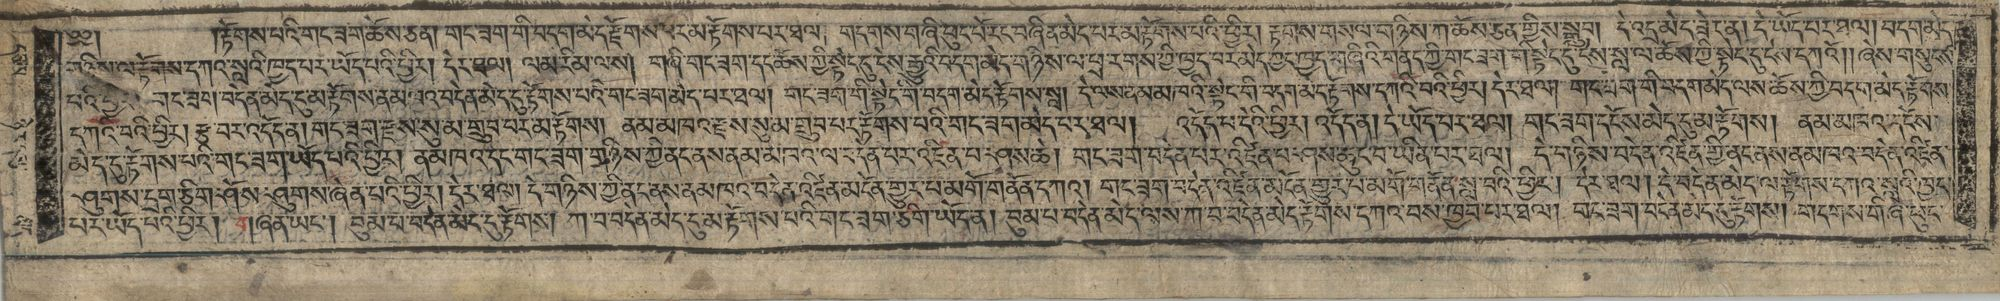༄༅། །རྟོགས་པའི་གང་ཟག་ཆོས་ཅན། གང་ཟག་གི་བདག་མེད་རྫོགས་པར་མ་རྟོགས་པར་ཐལ། གདགས་གཞི་ཕུང་པོ་རང་བཞིན་མེད་པར་མ་རྟོགས་པའི་ཕྱིར། རྟགས་གསལ་གཉིས་ཀ་ཆོས་ཅན་གྱིས་སྒྲུབ། དེ་འདྲ་མེད་ཟེར་ན། དེ་ཡོད་པར་ཐལ། བདག་མེད་
གཉིས་ལ་རྟོགས་དཀའ་སླའི་ཁྱད་པར་ཡོད་པའི་ཕྱིར། དེར་ཐལ། ལམ་རིམ་ལས། གཞི་གང་ཟག་དང་ཆོས་ཀྱི་སྟེང་དུ་ངེས་རྒྱུའི་བདག་མེད་གཉིས་ལ་ཕྲ་རགས་ཀྱི་ཁྱད་པར་མེད་ཀྱང་ཁྱད་གཞིའི་གནད་ཀྱི་གང་ཟག་གི་སྟེང་དུ་ངེས་སླ་ལ་ཆོས་ཀྱི་སྟེང་དུ་ངེས་དཀའོ། །ཞེས་གསུངས་
པའི་ཕྱིར། གང་ཟག་བདེན་མེད་དུ་མ་རྟོགས་ནམ་མཁའ་བདེན་མེད་དུ་རྟོགས་པའི་གང་ཟག་མེད་པར་ཐལ། གང་ཟག་གི་སྟེང་གི་བདག་མེད་རྟོགས་སླ། དེ་ལས་ནམ་མཁའི་སྟེང་གི་བདག་མེད་རྟོགས་དཀའ་བའི་ཕྱིར། དེར་ཐལ། གང་ཟག་གི་བདག་མེད་ལས་ཆོས་ཀྱི་བདག་མེད་རྟོགས་
དཀའ་བའི་ཕྱིར། རྩ་བར་འདོད་ན། གང་ཟག་རྫས་སུ་མ་གྲུབ་པར་མ་རྟོགས། ནམ་མཁའ་རྫས་སུ་མ་གྲུབ་པར་རྟོགས་པའི་གང་ཟག་མེད་པར་ཐལ། འདོད་པ་དེའི་ཕྱིར། འདོད་ན། དེ་ཡོད་པར་ཐལ། གང་ཟག་དངོས་མེད་དུ་མ་རྟོགས། ནམ་མཁའ་དངོས་
མེད་དུ་རྟོགས་པའི་གང་ཟག་ཡོད་པའི་ཕྱིར། ནམ་མཁའ་དང་གང་ཟག་གཉིས་ཀྱི་ནང་ནས་ནམ་མཁའ་ལ་བདེན་པར་འཛིན་པ་ཤས་ཆེ། གང་ཟག་བདེན་པར་འཛིན་པ་ཤས་ཆུང་བ་ཡིན་པར་ཐལ། དེ་གཉིས་བདེན་འཛིན་གྱི་ནང་ནས་ནམ་མཁའ་བདེན་འཛིན་
ཤུགས་དྲག་ཅིག་ཤོས་ཤུགས་ཞན་པའི་ཕྱིར། དེར་ཐལ། དེ་གཉིས་ཀྱི་ནང་ནས་ནམ་མཁའ་བདེན་འཛིན་མངོན་གྱུར་པ་མགོ་གནོན་དཀའ། གང་ཟག་བདེན་འཛིན་མངོན་གྱུར་པ་མགོ་གནོན་སླ་བའི་ཕྱིར། དེར་ཐལ། དེ་བདེན་མེད་ལ་རྟོགས་དཀའ་སླའི་ཁྱད་
པར་ཡོད་པའི་ཕྱིར། གཞན་ཡང་། བུམ་པ་བདེན་མེད་དུ་རྟོགས། ཀ་བ་བདེན་མེད་དུ་ཡ་རྟོགས་པའི་གང་ཟག་ཅིག་ཡོད་ན། བུམ་པ་བདེན་མེད་ལས་ག་བ་བདེན་མེད་རྟོགས་དཀའ་བས་ཁྱབ་པར་ཐལ། གང་ཟག་བདེན་མེད་དུ་རྟོགས། གདགས་གི་ཞཕུང་